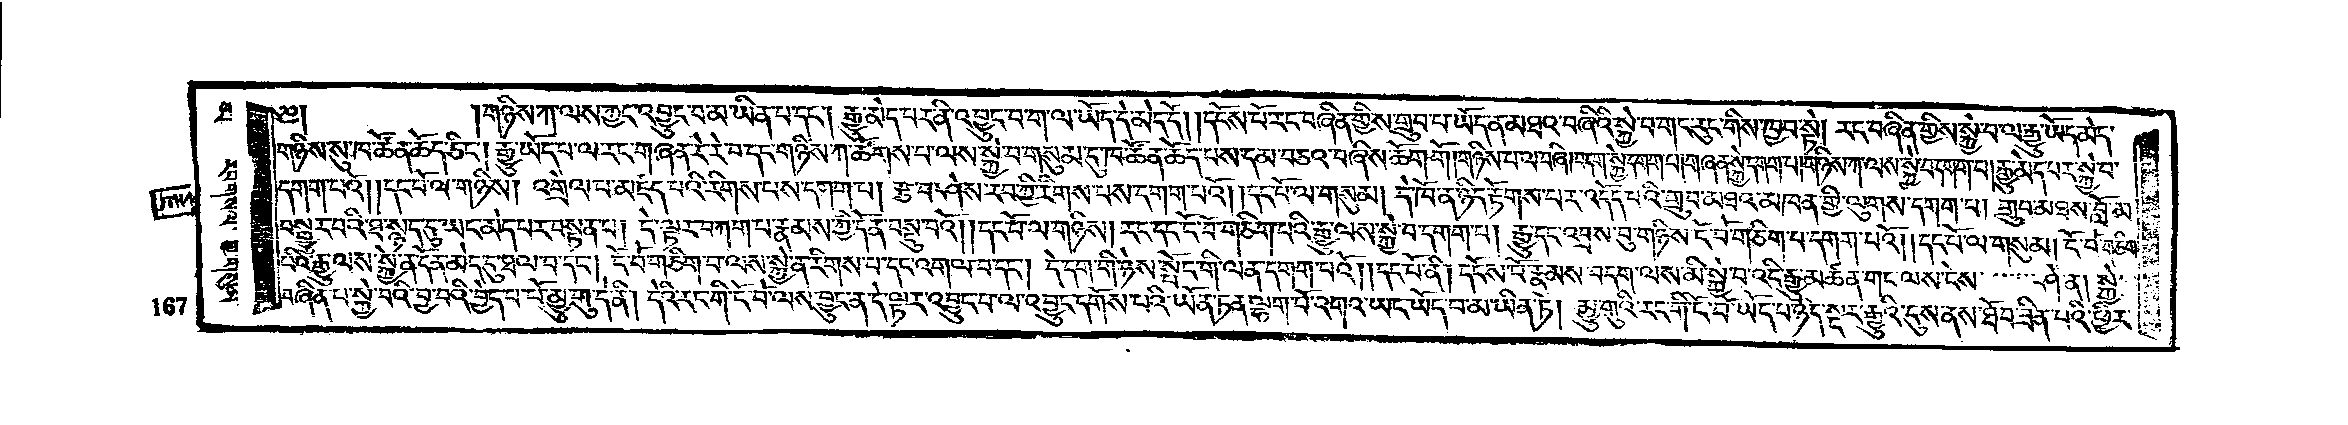༄༅། །གཉིས་ཀ་ལས་ཀྱང་འབྱུང་བ་མ་ཡིན་པ་དང་། རྒྱུ་མེད་པར་ནི་འབྱུང་བ་ག་ལ་ཡོད་དེ་མེད་དོ། །དངོས་པོ་རང་བཞིན་གྱིས་གྲུབ་པ་ཡོད་ན་མཐའ་བཞིའི་སྐྱེ་བ་གང་རུང་གིས་ཁྱབ་སྟེ། རང་བཞིན་གྱིས་སྐྱེ་བ་ལ་རྒྱུ་ཡོད་མེད་
གཉིས་སུ་ཁ་ཚོན་ཆོད་ཅིང་། རྒྱུ་ཡོད་པ་ལ་རང་གཞན་རེ་རེ་བ་དང་གཉིས་ཀ་ཚོགས་པ་ལས་སྐྱེ་བ་གསུམ་དུ་ཁ་ཚོན་ཆོད་པས་དམ་བཅའ་བཞིས་ཆོག་གོ ། གཉིས་པ་ལ་བཞི། བདག་སྐྱེ་དགག་པ། གཞན་སྐྱེ་དགག་པ། གཉིས་ཀ་ལས་སྐྱེ་བ་དགག་པ། རྒྱུ་མེད་པར་སྐྱེ་བ་
དགག་པའོ། །དང་པོ་ལ་གཉིས། འགྲེལ་པ་མཛད་པའི་རིགས་པས་དགག་པ། རྩ་བ་ཤེས་རབ་ཀྱི་རིགས་པས་དགག་པའོ། །དང་པོ་ལ་གསུམ། དེ་ཁོ་ན་ཉིད་རྟོགས་པར་འདོད་པའི་གྲུབ་མཐའ་མཁན་གྱི་ལུགས་དགག་པ། གྲུབ་མཐས་བློ་མ་
བསྒྱུར་བའི་ཐ་སྙད་དུ་ཡང་མེད་པར་བསྟན་པ། དེ་ལྟར་བཀག་པ་རྣམས་ཀྱི་དོན་བསྡུ་བའོ། །དང་པོ་ལ་གཉིས། རང་དང་ངོ་བོ་གཅིག་པའི་རྒྱུ་ལས་སྐྱེ་བ་དགག་པ། རྒྱུ་དང་འབྲས་བུ་གཉིས་ངོ་བོ་གཅིག་པ་དགག་པའོ། །དང་པོ་ལ་གསུམ། ངོ་བོ་གཅིག་
པའི་རྒྱུ་ལས་སྐྱེ་ན་དོན་མེད་དུ་ཐལ་བ་དང་། ངོ་བོ་གཅིག་པ་ལས་སྐྱེ་ན་རིགས་པ་དང་འགལ་བ་དང་། དེ་དག་གི་ཉེས་སྤོང་གི་ལན་དགག་པའོ། །དང་པོ་ནི། དངོས་པོ་རྣམས་བདག་ལས་མི་སྐྱེ་བ་འདི་རྒྱུ་མཚན་གང་ལས་ངེས་ཤེ་ན། སྐྱེ་
བཞིན་པ་སྐྱེ་བའི་བྱ་བའི་བྱེད་པ་པོ་མྱུ་གུ་དེ་ནི། དེའི་རང་གི་ངོ་བོ་ལས་བྱུང་ན་དེ་ལྟར་འབྱུང་བ་ལ་འབྱུང་དགོས་པའི་ཡོན་ཏན་ལྕག་པོ་འགའ་ཡང་ཡོད་པ་མ་ཡིན་ཏེ། མྱུ་གུའི་རང་གི་ངོ་བོ་ཡོད་པ་ཉིད་སྔར་རྒྱུའི་དུས་ནས་ཐོབ་ཟིན་པའི་ཕྱིར་